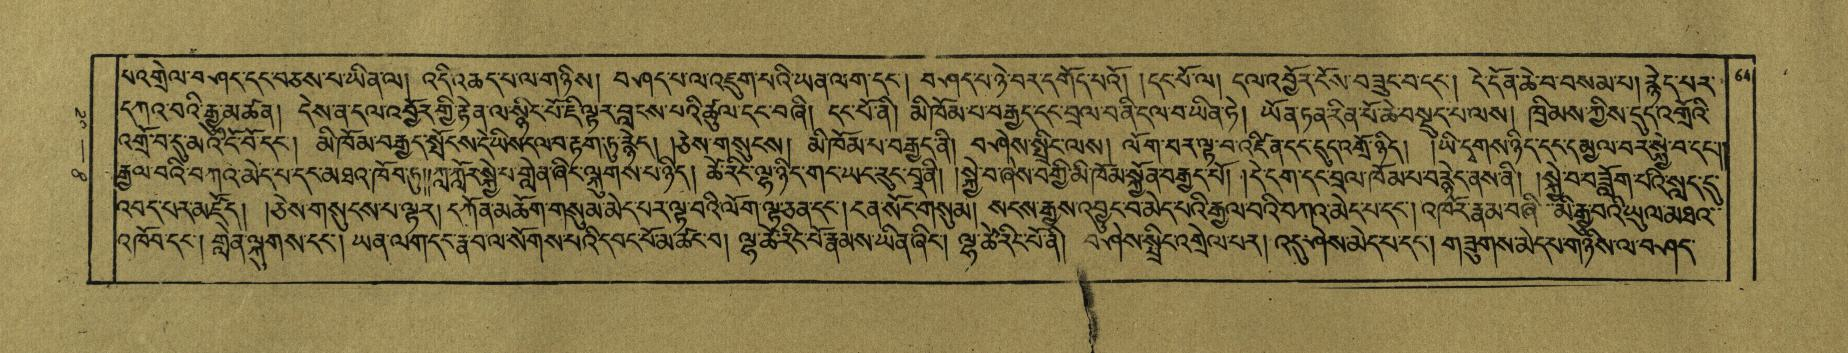པ་འགྲེལ་བཤད་དང་བཅས་པ་ཡིན་ལ། འདི་འཆད་པ་ལ་གཉིས། བཤད་པ་ལ་འཇུག་པའི་ཡན་ལག་དང་། བཤད་པ་ཉེ་བར་དགོད་པའོ། །དང་པོ་ལ། དལ་འབྱོར་ངོས་བཟུང་བ་དང་། དེ་དོན་ཆེ་བ་བསམ་པ། རྙེད་པར་
དཀའ་བའི་རྒྱུ་མཚན། དེས་ན་ངལ་འབྱོར་གྱི་རྟེན་ལ་སྙིང་པོ་ཇི་ལྟར་བླངས་པའི་ཚུལ་དང་བཞི། དང་པོ་ནི། མི་ཁོམ་པ་བརྒྱད་དང་བྲལ་བ་ནི་ངལ་བ་ཡིན་ཏེ། ཡོན་ཏན་རིན་པོ་ཆེ་བསྡུས་པ་ལས། ཁྲིམས་ཀྱིས་དུད་འགྲོའི་
འགྲོ་བ་དུ་མའི་ངོ་བོ་དང་། མི་ཁོམ་བརྒྱད་སྤོངས་དེ་ཡིས་དལ་བ་རྟག་ཏུ་རྙེད། །ཅེས་གསུངས། མི་ཁོམ་པ་བརྒྱད་ནི། བཤེས་སྦྲིང་ལས། ལོག་པར་ལྟ་བ་འཛིན་དང་དུད་འགྲོ་ཉིད། །ཡི་དྭགས་ཉིད་དང་དམྱལ་བར་སྐྱེ་བ་དང།།
རྒྱལ་བའི་བཀའ་མེད་པ་དང་མཐའ་ཁོབ་ཏུ། །ཀླ་ཀློར་སྐྱེ་པ་གླེན་ཞིང་ལྐུགས་པ་ཉིད། ཚེ་རིང་ལྷ་ཉིད་གང་ཡང་རུང་བྲ?་ནི། །སྐྱེ་བ་ཞེས་བགྱི་མི་ཁོམ་སྐྱོན་བརྒྱད་པོ། །དེ་དག་དང་བྲལ་ཁོམ་པ་བརྙེད་ནས་ནི། །སྐྱེ་བ་བཟློག་པའི་སླད་དུ་
འབད་པར་མཛོད། །ཅེས་གསུངས་པ་ལྟར། དཀོན་མཆོག་གསུམ་མེད་པར་ལྟ་བའི་ལོག་ལྟ་ཅན་དང་། ངན་སོང་གསུམ། སངས་རྒྱས་འབྱུང་བ་མེད་པའི་རྒྱལ་བའི་བཀའ་མེད་པ་དང་། འཁོར་རྣམ་བཞི་མི་རྒྱུ་བའི་ཡུལ་མཐའ་
འཁོབ་དང་། གླེན་ལྐུགས་དང་། ཡན་ལག་དང་རྣ་བ་ལ་སོགས་པའི་དབང་པོ་མ་ཚང་བ། ལྷ་ཚེ་རིང་པོ་རྣམས་ཡིན་ཞིང་། ལྷ་ཚེ་རིང་པོ་ནི། བཤེས་སྤྲིང་འགྲེལ་པར། འདུ་ཤེས་མེད་པ་དང་། གཟུགས་མེད་པ་གཉིས་ལ་བཤད་